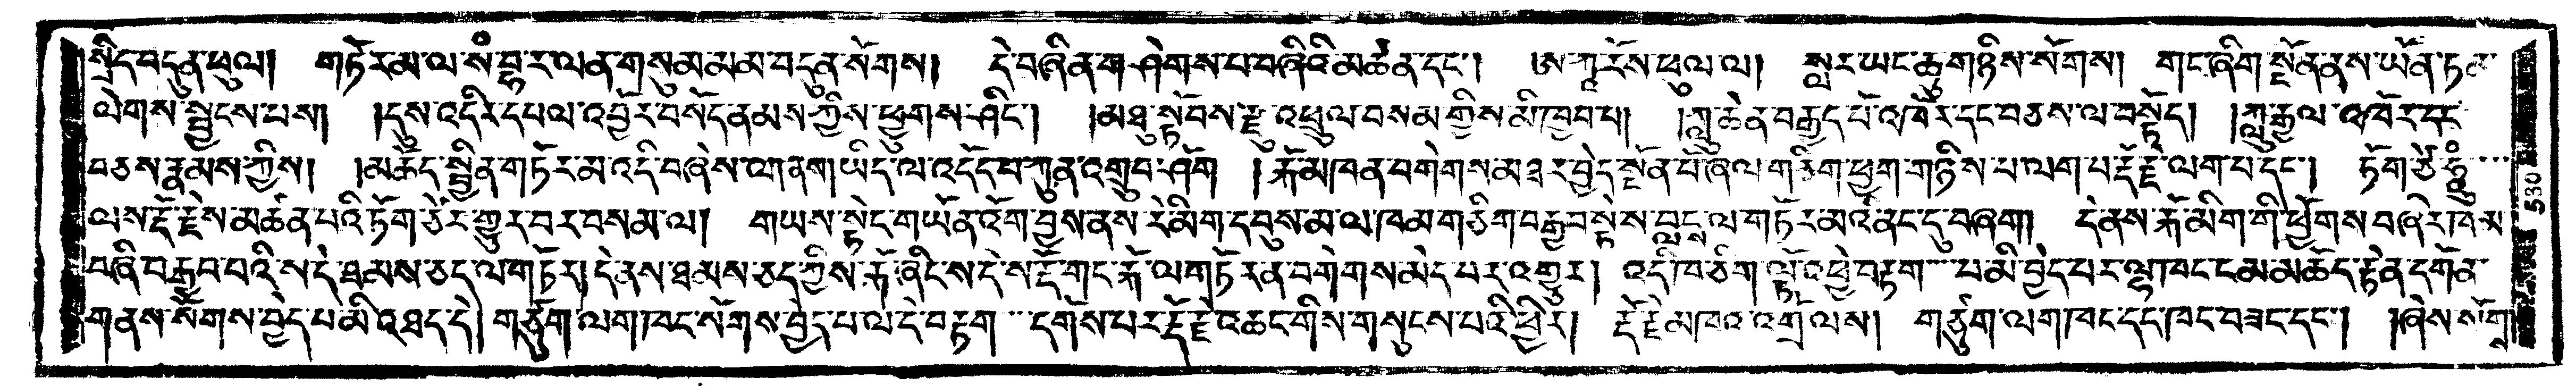སྲིད་བདུན་ཕུལ། གཏོར་མ་ལ་སཾ་བྷ་ར་ལན་གསུམ་མམ་བདུན་སོགས། དེ་བཞིན་གཤེགས་པ་བཞིའི་མཚན་དང་། ཨ་ཀཱ་རོས་ཕུལ་ལ། སླར་ཡང་ཆུ་གཉིས་སོགས། གང་ཞིག་སྔོན་ནས་ཡོན་ཏན་
ལེགས་སྦྱངས་པས། །དུས་འདིར་དཔལ་འབྱོར་བསོད་ནམས་ཀྱིས་ཕྱུགས་ཤིང་། །མཐུ་སྟོབས་རྫུ་འཕྲུལ་བསམ་གྱིས་མི་ཁྱབ་པ། །ཀླུ་ཆེན་བརྒྱད་པོ་འཁོར་དང་བཅས་ལ་བསྟོད། །ཀླུ་རྒྱལ་འཁོར་དང་
བཅས་རྣམས་ཀྱིས། །མཆོད་སྤྱིན་གཏོར་མ་འདི་བཞེས་ལ་ནས། ཡིད་ལ་འདོད་པ་ཀུན་འགྲུབ་ཤོག། །རྐོ་མཁན་བགེགས་མཐར་བྱེད་སྔོན་པོ་ཞལ་གཅིག་ཕྱག་གཉིས་པ་ལག་བ་རྡོ་རྗེ་ལག་པ་དང་། ཏོག་ཙེ་ཧཱུཾ་
ལས་རྡོ་རྗེས་མཚན་པའི་ཏོག་ཙེ་གྱུར་བར་བསམ་ལ། གཡས་སྟེང་གཡོན་འོག་བྱས་ནས་རེ་མིག་དབུས་མ་ལ་ཁམ་གཅིག་བརྒྱབ་སྟེས་བླངས་ལ་གཏོར་མའ་ནང་དུ་བཞག། དེ་ནས་རྐོ་མིག་གི་ཕྱོགས་བཞིར་ཁམ་
བཞི་བརྒྱབ་པའི་ས་དེ་ཐམས་ཅད་ལ་གཏོར། དེ་ནས་ཐམས་ཅད་ཀྱིས་རྐོ་ཞིང་ས་དེ་ས་རྡོ་གང་རྐོ་ལ་གཏོར་ན་བགེགས་མེད་པར་འགྱུར། འདི་ཁ་ཅིག་ལྟོ་འཕྱེ་བརྟག་པ་མི་བྱེད་པར་ལྷ་ཁང་ངམ་མཆོད་རྟེན་དགོན་
གནས་སོགས་བྱེད་པ་མི་འཐད་དེ། གཙུག་ལག་ཁང་སོགས་བྱེད་པ་ལ་དེ་བརྟག་དགོས་པར་རྡོ་རྗེ་འཆང་གིས་གསུངས་པའི་ཕྱིར། རྡོ་རྗེ་མཁའ་འགྲོ་ལས། གཙུག་ལག་ཁང་དང་ཁང་བཟང་དང་། །ཞེས་སོགས་